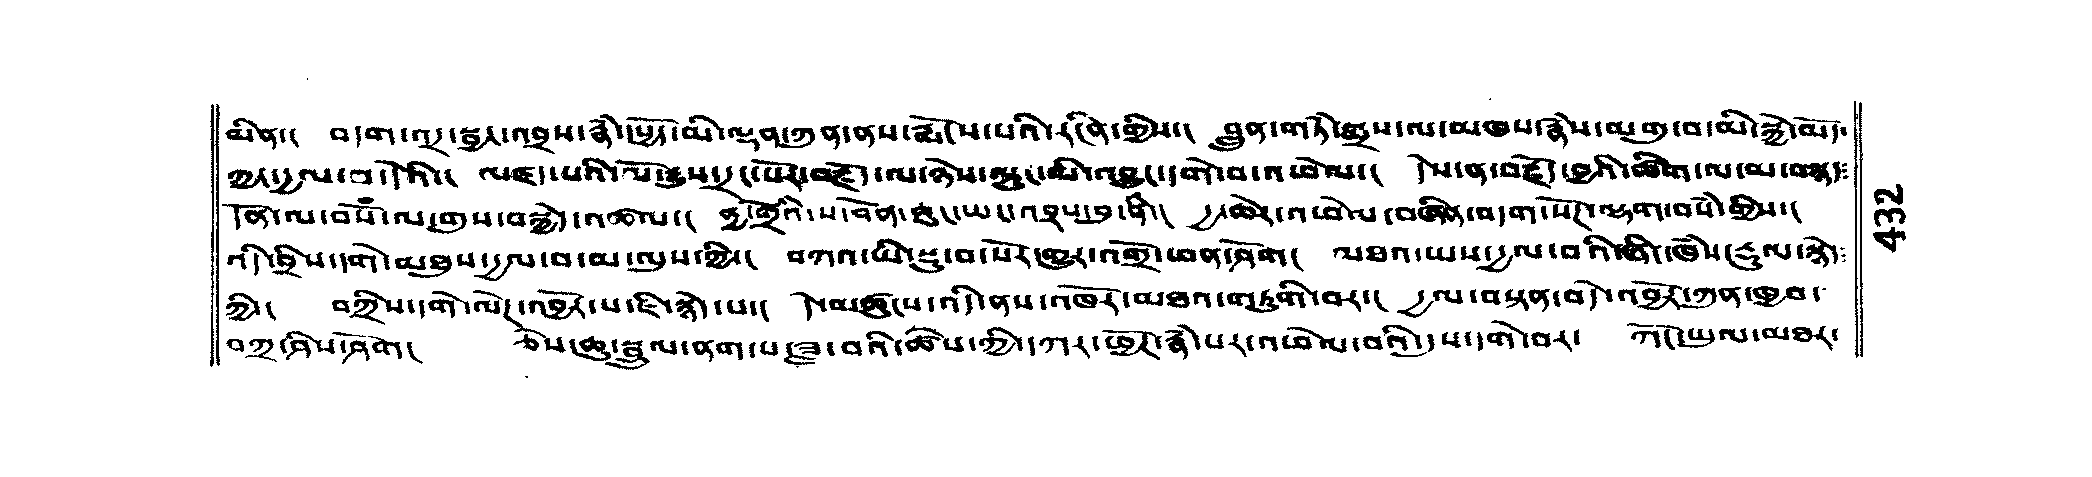མིན། །བདག་འདྲ་སྦྱངས་འབྲས་རྣམ་དཔྱོད་མི་ལྡན་ཀུན་ནས་རྨོངས་པའི་རང་བཞིན་གྱིས། །བླུན་གཏམ་སྨྲས་ལ་མཁས་རྣམས་མགུ་བ་མི་སྐྱེད་མོད་
ཀྱང་རྒྱལ་བ་དེའི། །མཛད་པའི་ལོ་རྒྱུས་དྲང་པོར་བརྗོད་ལ་ཉེས་ལྟུང་མི་འབྱུང་དགེ་བ་འཕེལ། །དེས་ན་བརྗོད་བྱའི་ཚིག་ལ་མ་བསྙད་
དོན་ལ་སོམས་ལ་གུས་བསྐྱེད་འཚལ། །ནྱ་གྲོའི་ས་བོན་ཆུང་ཡང་འབྲས་བུ་ནི། །རྒྱ་ཆེར་འཕེལ་བཞིན་བདག་སོགས་ལྷག་བསམ་གྱིས། །
འདི་བྲིས་དགེ་མཐུས་རྒྱལ་བ་མ་ལུས་ཀྱི། །བཀའ་ཡི་སྡུ་བ་པོར་གྱུར་འགྲོ་ཕན་ཤོག།མཐའ་ཡས་རྒྱལ་བའི་ཞིང་ཁམས་རྡུལ་སྙེད་
ཀྱི། །བཀྲ་ཤིས་དགེ་ལེགས་འབྱོར་པ་ཇི་སྙེད་པ། །དེ་མཚུངས་འདི་ནས་འཁོར་མཐའ་གཏུག་གི་བར། །རྒྱལ་བསྟན་བདེ་འབྱོར་ཀུན་ཁྱབ་
བཀྲ་ཤིས་ཤོག། ཅེས་ཆུ་སྦྲུལ་ནག་པ་ཟླ་བའི་ཚེས་ཀྱི་དཀར་ཕྱོགས་རྣམ་པར་འཕེལ་བའི་དུས་དགེ་བར། ཀོང་ཡུལ་མཐར་